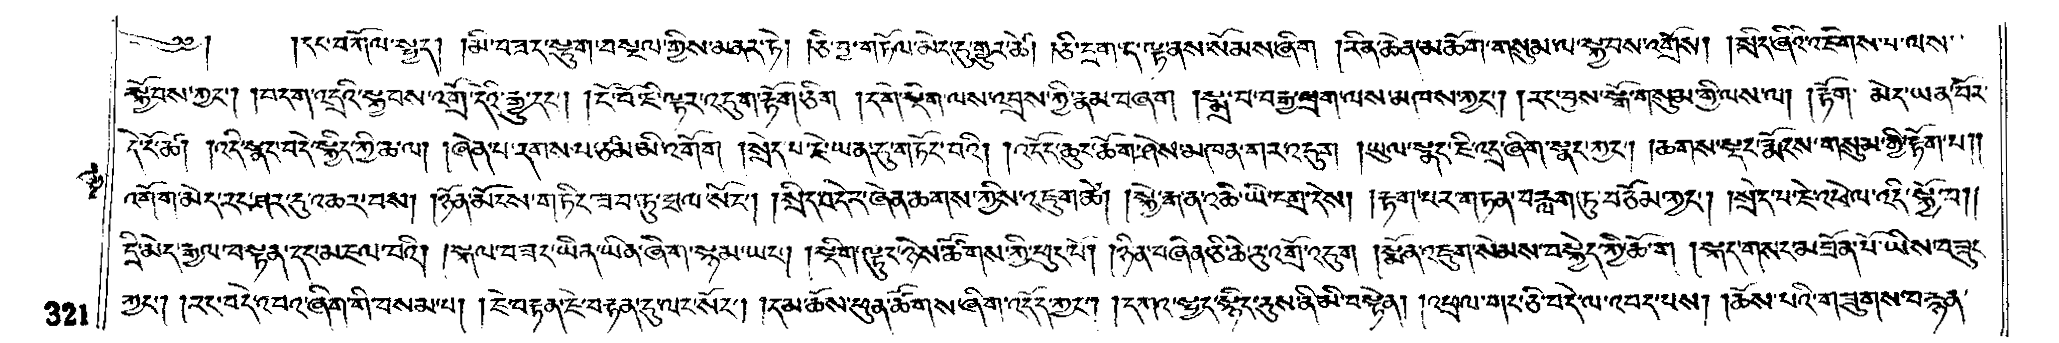༄༅། །དང་བཀོལ་སྤྱད། །མི་བཟད་སྡུག་བསྔལ་གྱིས་མནར་ཏེ། །ཅི་བྱ་གཏོལ་མེད་དུ་གྱུར་ཚེ། །ཅི་དྲག་ད་ལྟ་ནས་སོམས་ཞིག །རིན་ཆེན་མཆོག་གསུམ་ལ་སྐྱབས་འགྲོས། །སྲིད་ཞིའི་འཇིགས་པ་ལས་
སྐྱོབས་ཀྱང་། །བདག་འདྲའི་སྐྱབས་འགྲོ་དེའི་རྒྱུ་དང་། །ངོ་བོ་ཇི་ལྟར་འདུག་རྟོག་ཅིག །དགེ་སྡིག་ལས་འབྲས་ཀྱི་རྣམ་བཞག །སྨྲ་བ་བརྒྱ་ཕྲག་ལས་མཁས་ཀྱང་། །རང་བྱས་སྒོ་གསུམ་གྱི་ལས་ལ། །རྟོག་མེད་ཡན་བོར་
དེ་ངོ་ཚ། །འདི་སྣང་བདེ་སྐྱིད་ཀྱི་ཆ་ལ། །ཞེན་པ་རགས་པ་ཙམ་མི་འགོག །སྲེད་པ་ཇེ་ཡན་དུ་གཏོང་བའི། །འདོད་ཆུང་ཆོག་ཤེས་མཁན་གར་འདུག །ཡུལ་སྣང་ཇི་འདྲ་ཞིག་སྣང་ཀྱང་། །ཆགས་སྡང་རྨོངས་གསུམ་གྱི་རྟོག་པ།།
འགོག་མེད་རང་ཤར་དུ་འཆར་བས། །ཉོན་མོངས་གཏིང་ཟབ་ཏུ་ཐལ་སོང་། །སྲིད་བདེར་ཞེན་ཆགས་ཀྱིས་འཇུག་ཚེ། །སྐྱེ་རྒ་ན་འཆི་ཡི་དགྲ་དེས། །རྟག་པར་གཏན་བརླག་ཏུ་བཅོམ་ཀྱང་། །སྲེད་པ་ཇེ་འཕེལ་འདི་སྐྱོ་བ།།
དྲི་མེད་རྒྱལ་བསྟན་དང་མཇལ་བའི། །སྐལ་བཟང་ཡིན་ཡིན་ཞིག་སྙམ་ཡང་། །སྡིག་ལྟུང་ཉེས་ཚོགས་ཀྱི་ཕུང་བོ། །ཉིན་བཞིན་ཅི་ཆེ་རུ་འགྲོ་འདུག །སྨོན་འཇུག་སེམས་བསྐྱེད་ཀྱི་ཆོ་ག །སྐད་གསང་མགྲོན་པོ་ཡིས་བཟུང་
ཀྱང་། །རང་བདེ་འབའ་ཞིག་གི་བསམ་པ། །ཇེ་བརྟན་ཇེ་བརྟན་དུ་ལང་སོང་། །དམ་ཆོས་ཕུན་ཚོགས་ཞིག་འདོད་ཀྱང་། །དཀའ་སྤྱད་སྙིང་རུས་ནི་མི་བསྟེན། །འཕྲལ་གང་ཅི་བདེ་ལ་འབད་པས། །ཆོས་པའི་གཟུགས་བརྙན་